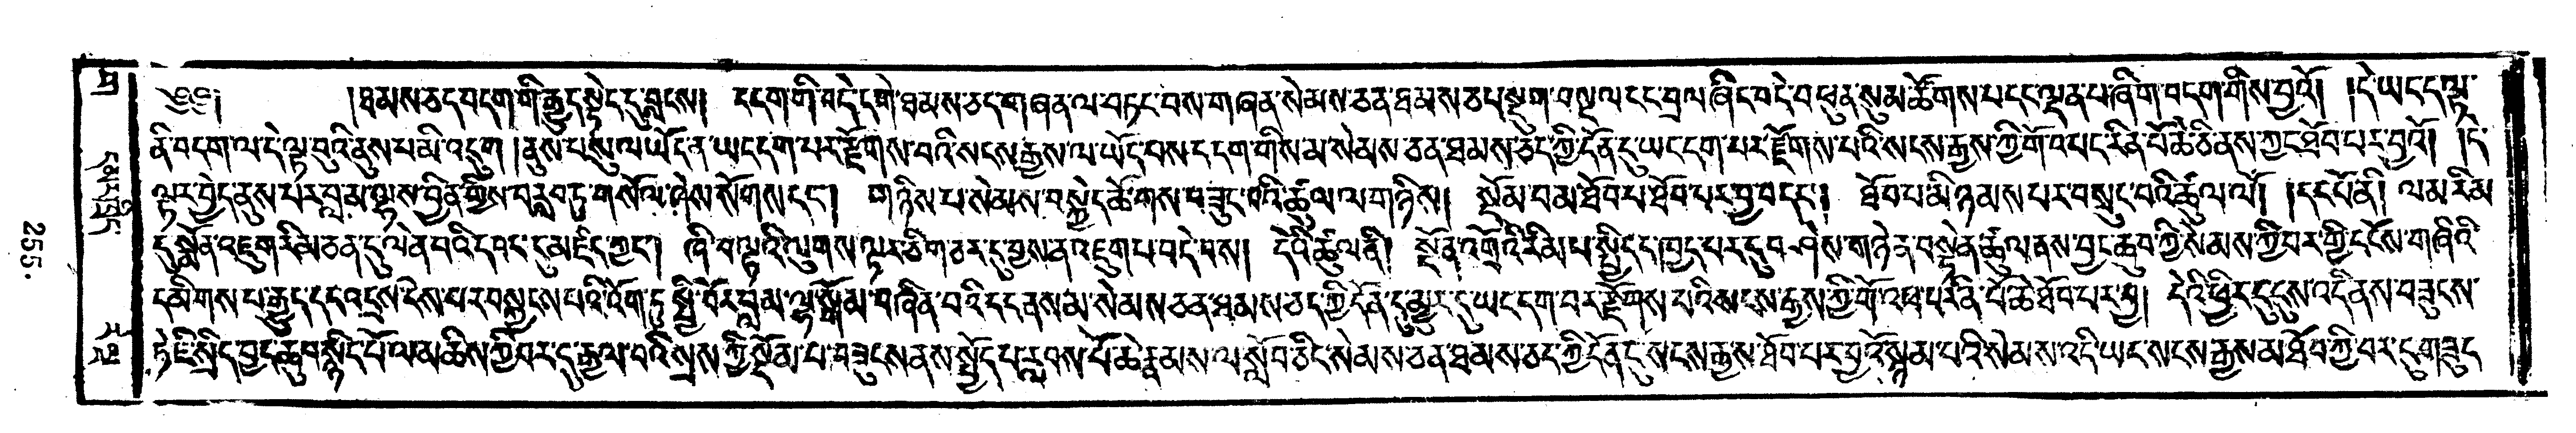༄༅། །ཐམས་ཅད་བདག་གི་རྒྱུད་སྟེང་དུ་བླངས། ངང་གི་བདེ་དགེ་ཐམས་ཅད་གཞན་ལ་བཏང་བས་གཞན་སེམས་ཅན་ཐམས་ཅད་སྡུག་བསྔལ་ངང་བྲལ་ཞིང་བདེ་བ་ཕུན་སུམ་ཚོགས་པ་དང་ལྡན་པ་ཞིག་བདག་གིས་བྱའོ། །དེ་ཡང་ད་ལྟ་
ནི་བདག་ལ་དེ་ལྟ་བུའི་ནུས་པ་མི་འདུག །ནུས་པ་སུ་ལ་ཡོད་ན་ཡང་དག་པར་རྫོགས་པའི་སངས་རྒྱས་ལ་ཡོད་བས་ད་དག་གིས་མ་སེམས་ཅན་ཐམས་ཅད་ཀྱི་དོན་དུ་ཡང་དག་པར་རྫོགས་པའི་སངས་རྒྱས་ཀྱི་གོ་འཕང་རིན་པོ་ཆེ་ཅི་ནས་ཀྱང་ཐོབ་པར་བྱའོ། །དེ་
ལྟར་བྱེད་ནུས་པར་བླ་མ་ལྷས་བྱིན་གྱིས་བརླབ་ཏུ་གསོལ་ཞེས་སོགས་དང་། གཉིས་པ་སེམས་བསྐྱེད་ཆོ་གས་བཟུང་བའི་ཚུལ་ལ་གཉིས། སྔོམ་བ་མ་ཐོབ་པ་ཐོབ་པར་བྱ་བ་དང་། ཐོབ་པ་མི་ཉམས་པར་བསྲུང་བའི་ཚུལ་ལོ། །དང་པོ་ནི། ལམ་རིམ་
དུ་སྨོན་འཇུག་རིམ་ཅན་དུ་ལེན་པའི་དབང་དུ་མཛད་ཀྱང་། ཞི་བ་ལྟའི་ལུགས་ལྟར་ཅིག་ཅར་དུ་བྱས་ན་འཇུག་པ་བདེ་བས། དེའི་ཚུལ་ནི། སྔོན་འགྲོའི་རིམ་པ་སྤྱི་དང་ཁྱད་པར་དུ་བཤེས་གཉེན་བསྟེན་ཚུལ་ནས་བྱང་ཆུབ་ཀྱི་སེམས་ཀྱི་བར་གྱི་དངོས་གཞིའི་
དམིགས་པ་རྒྱུད་དང་འདྲས་ངེས་པར་བསྐྱངས་པའི་འོག་ཏུ་སྤྱི་བོར་བླ་མ་ལྷ་སྒོམ་བཞིན་པའི་དང་ནས་མ་སེམས་ཅན་ཐམས་ཅད་ཀྱི་དོན་དུ་མྱུར་དུ་ཡང་དག་པར་རྫོགས་པའི་སངས་རྒྱས་ཀྱི་གོ་འཕང་པ?་རིན་པོ་ཆེ་ཐོབ་པར་བྱ། དེའི་ཕྱིར་དུ་དུས་འདི་ནས་བཟུངས་
ཏེ་ཇི་སྲིད་བྱང་ཆུབ་སྙིང་པོ་ལ་མཆིས་ཀྱི་བར་དུ་རྒྱལ་བའི་སྲས་ཀྱི་སྔོམ་པ་བཟུངས་ནས་སྤྱོད་པ་རླབས་པོ་ཆེ་རྣམས་ལ་སློབ་ཅིང་སེམས་ཅན་ཐམས་ཅད་ཀྱི་དོན་དུ་སངས་རྒྱས་ཐོབ་པར་བྱའོ་སྙམ་པའི་སེམས་འདི་ཡང་སངས་རྒྱས་མཐོ་བ་ཀྱི་བར་དུ་གཟུང་